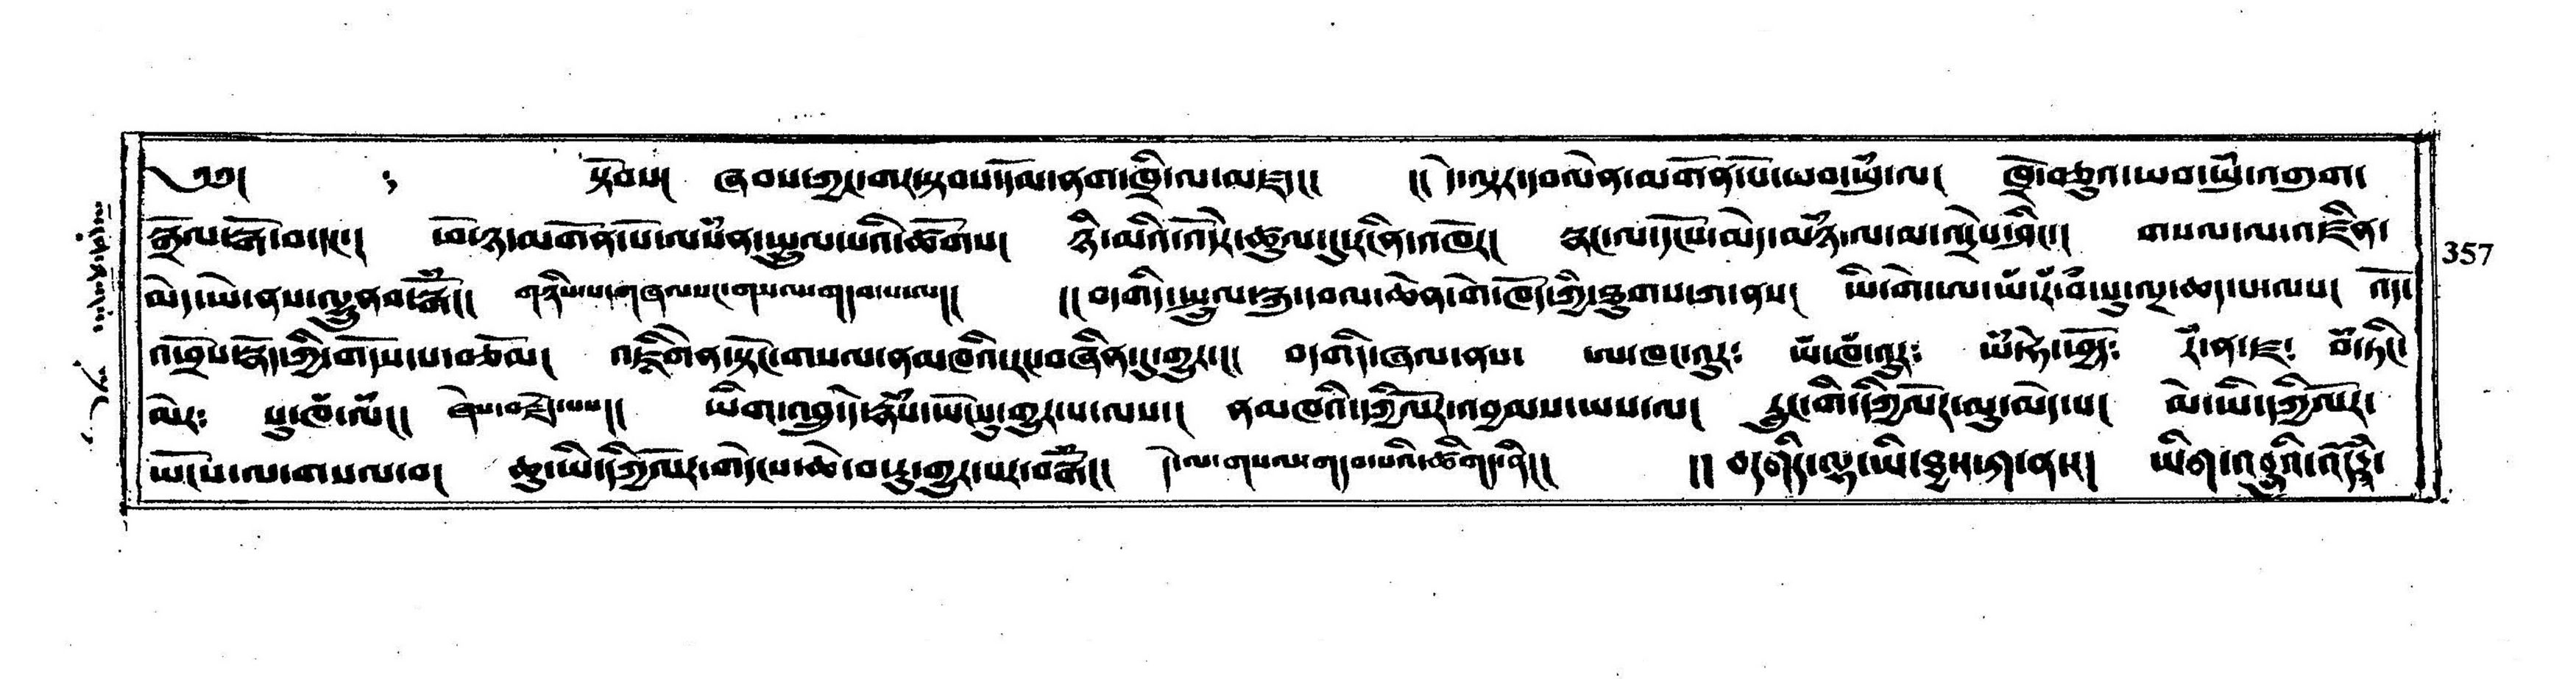སྟོབས། ཞབས་ཀྱང་གར་སྟབས་དོམ་ནག་ཁྲི་ལ་མཛད།། །།དེ་ལྟར་དབལ་ཆེན་མགོན་པོ་ཡབ་ཡུམ་ལ། ཁྲོ་བཅུ་ཡབ་ཡུམ་འགུག་
སྒྲོལ་སྒོ་བ་དང་། ཕོ་ཉ་མགོན་པོ་ལས་མཁན་སྤྲུལ་པའི་ཚོགས། ཉི་མའི་འོད་ཟེར་ཚུལ་དུ་རང་བཞིན་འཁོར། སྣང་ལ་དངོས་མེད་མཉམ་ལ་{368}མ་འདྲེས་ཤིང་། གསལ་ལ་འཛིན་
མེད་ཡེ་ནས་ལྷུན་གྲུབ་བསྒོམ། གཉིས་པ་གཞལ་ཡས་ཁང་གསལ་གདབ་པ་ལ།། བདག་ཉིད་སྤྲུལ་སྐུ་དབལ་ཆེན་གེ་ཁོད་ཀྱི་ཐུགས་ཀ་ནས། ཡི་གེ་ཨ་ཡྃ་རྃ་བྃ་སུ་ལྔ་ཆད་པ་ལས། འོད་
འཕྲོས་སྣོད་ཀྱི་གདོས་པ་བཅོམ། འཇིག་རྟེན་སྟོང་གསལ་ནམ་མཁའི་རང་བཞིན་དུ་གྱུར། བདག་ཉིད་ཞལ་ནས་ཨ་ཁང་འུར༴ ཡཾ་ཁཾ་འུར༴ ཡཾ་ཧེ་ཕྱོད༴ རཾ་ན་ཛ༴ བྃ་ཏིང་
མེར༴ སུ་ཁྃ་ལྃ། ཞེས་བརྗོད་པས།། ཡིག་འབྲུ་དེ་རྣམས་ཡོངས་སུ་གྱུར་པ་ལས། ནམ་མཁའི་དཀྱིལ་འཁོར་འབྱམས་ཡས་ལ། རླུང་གི་དཀྱིལ་འཁོར་མུ་མེད་པ། མེ་ཡི་དཀྱིལ་འཁོར་
ཡོངས་ལ་གསལ་བ། ཆུ་ཡི་དཀྱིལ་འཁོར་གདེངས་ཆེ་བ་ཏུ་གྱུར་པར་བསྒོམ། དེ་ལ་གསལ་གདབ་པའི་ཚིག་བཤད་ནི།། བདག་ཉིད་ལྷ་ཡི་ཐུགས་ཀ་ནས། ཡིག་འབྲུའི་འོད་ཟེར་